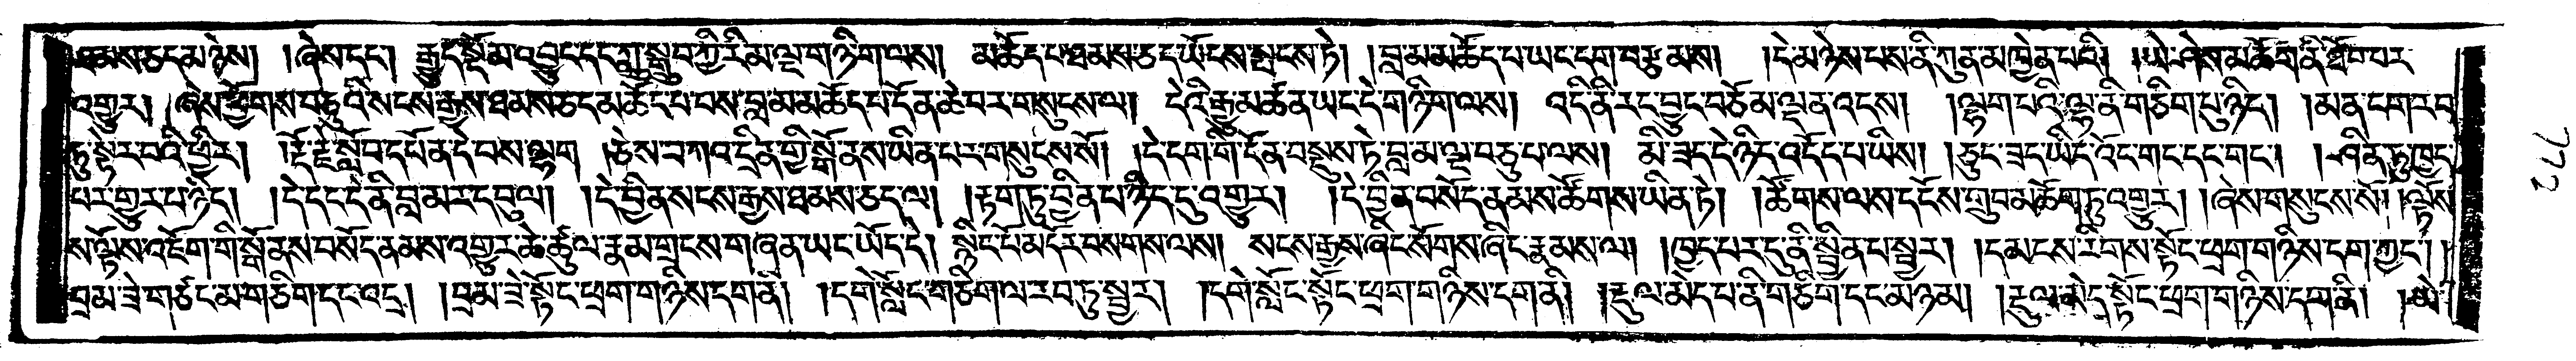ཐམས་ཅད་མཉེས། །ཞེས་དང་། རྒྱུད་སྡོམ་འབྱུང་དང་ཀླུ་སྒྲུབ་ཀྱི་རིམ་ལྔ་གཉི་ག་ལས། མཆོད་པ་ཐམས་ཅད་ཡོངས་སྤངས་ཏེ། །བླ་མ་མཆོད་པ་ཡང་དགེ་བརྩ་མའོ། །དེ་མཉེས་པས་ནི་ཀུན་མཁྱེན་པའི། །ཡེ་ཤེས་མཆོག་ནི་ཐོབ་པར་
འགྱུར། །ཞེས་ཕྱོགས་བཅུའི་སངས་རྒྱས་ཐམས་ཅད་མཆོད་པ་བས་བླ་མ་མཆོད་པ་དོན་ཆེ་བར་གསུངས་ལ། དེའི་རྒྱུ་མཚན་ཡང་དེ་གཉིག་ལས། འདི་ནི་རང་བྱུང་བཅོམ་ལྡན་འདས། །ལྷག་པའི་ལྷ་ནི་གཅིག་པུ་ཉིད། །མན་ངག་རབ་
ཏུ་སྟེར་བའི་ཕྱིར། །རྡོ་རྗེ་སློབ་དཔོན་དེ་བས་ལྷག །ཅེས་བཀའ་དྲིན་གྱི་སྒོ་ནས་ཡིན་པར་གསུངས་སོ། །དེ་དག་གི་དོན་བསྡུས་ཏེ་བླ་མ་ལྔ་བཅུ་པ་ལས། མི་ཟད་དེ་ཉིད་འདོད་པ་ཡིས། །ཅུང་ཟད་ཡིད་འོང་གང་དང་གང་། །ཤིན་ཏུ་ཁྱད་
བར་གྱུར་པ་ཉིད། །དེ་དང་དེ་ནི་བླ་མར་དབུལ། །དེ་བྱིན་སངས་རྒྱས་ཐམས་ཅད་ལ། །རྟག་ཏུ་བྱིན་པ་ཉིད་དུ་འགྱུར། །དེ་བྱིན་བསོད་ནམས་ཚོགས་ཡིན་ཏེ། །ཚོགས་ལས་དངོས་གྲུབ་མཆོག་ཏུ་འགྱུར། །ཞེས་གསུངས་སོ། །ལྟོས་
ས་ལྟོས་འཇོག་གི་སྒོ་ནས་བསོད་ནམས་འགྱུར་ཆེ་ཚུལ་རྣམ་གྲངས་གཞན་ཡང་ཡོད་དེ། སྙིང་པོ་མདོར་བསགས་ལས། སངས་རྒྱས་ཞིང་སོགས་ཞིང་རྣམས་ལ། །ཁྱད་པར་དུ་ནི་སྦྱིན་པ་སྦྱར། །དམངས་རིགས་སྟོང་ཕྲག་གཉིས་དག་ཀྱང་། །
བྲམ་ཟེ་གཙང་མ་གཅིག་དང་འདྲ། །བྲམ་ཟེ་སྟོང་ཕྲག་གཉིས་དག་ནི། །དགེ་སློང་གཅིག་ལ་རབ་ཏུ་སྦྱར། །དགེ་སློང་སྟོང་ཕྲག་གཉིས་དག་ནི། །རྡུལ་མེད་པ་ནི་གཅིག་དང་མཉམ། །རྡུལ་མེད་སྟོང་ཕྲག་གཉིས་དག་ནི། །ཡེ་